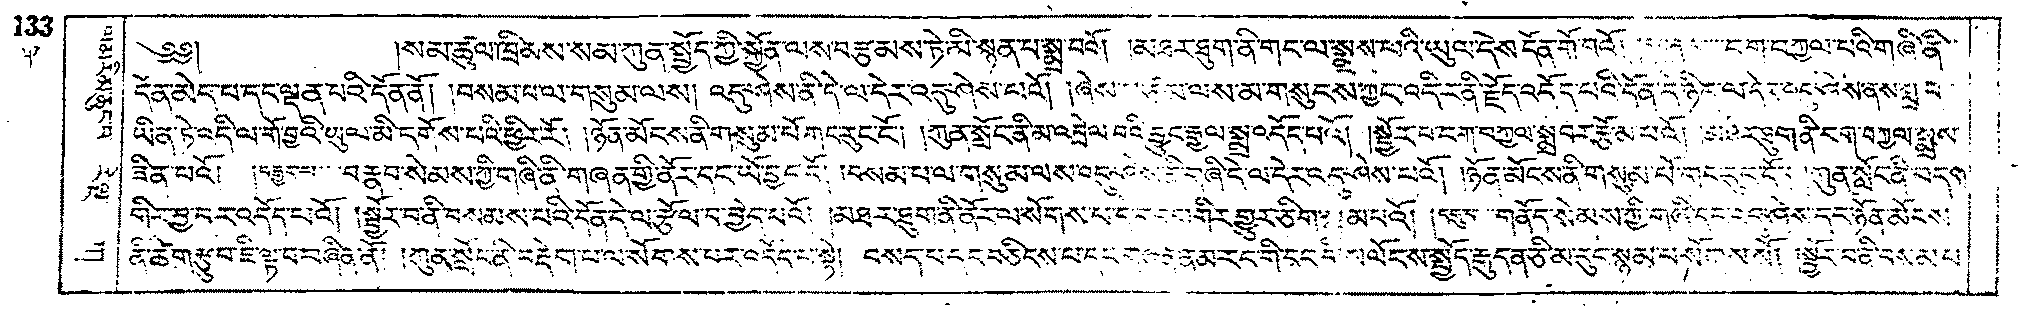༄༅། །སམ་ཚུལ་ཁྲིམས་སམ་ཀུན་སྤྱོད་ཀྱི་སྐྱོན་ལས་བརྩམས་ཏེ་མི་སྙན་པ་སྨྲ་བའོ། །མཐར་ཐུག་ནི་གང་ལ་སྨྲས་པའི་ཡུལ་དེས་དོན་གོ་བའོ། །བདུན་པངག་བཀྱལ་པའི་གཞི་ནི་
དོན་མེད་པ་དང་ལྡན་པའི་དོན་ནོ། །བསམ་པ་ལ་གསུམ་ལས། འདུ་ཤེས་ནི་དེ་ལ་དེར་འདུ་ཤེས་པའོ། །ཞེས་པ་ཙམ་ལས་མ་གསུངས་ཀྱང་འདིར་ནི་རྗོད་འདོད་པའི་དོན་དེ་ཉིད་ལ་དེར་ཤེས་ནས་སྨྲ་བ་
ཡིན་ཏེ་འདི་ལ་གོ་བྱའི་ཡུལ་མི་དགོས་པའི་ཕྱིར་རོ། །ཉོན་མོངས་ནི་གསུམ་པོ་གང་རུང་ངོ། །ཀུན་སློང་ནི་མ་འབྲེལ་བའི་བྱུང་རྒྱལ་སྨྲ་དོད་པའོ། །སྦྱོར་བ་དག་བཀྱལ་སྨྲ་བར་རྩོམ་པའོ། །མཐར་ཐུག་ནི་ངག་བཀྱལ་སྨྲས་
ཟིན་པའོ། །བརྒྱད་པབརྣབ་སེམས་ཀྱི་གཞི་ནི་གཞན་གྱི་ནོར་དང་ཡོ་བྱད་དོ། །བསམ་པ་ལ་གསུམ་ལས་འདུ་ཤེས་ནི་གཞི་དེ་ལས་དེར་འདུ་ཤེས་པའོ། །ཉོན་མོངས་ནི་གསུམ་པོ་གང་ཡང་རུང་ངོ། །ཀུན་སློང་ནི་བདག་
གིར་བྱ་བར་འདོད་པའོ། །སྦྱོར་བ་ནི་བསམས་པའི་དོན་དེ་ལ་རྩོལ་བ་བྱེད་པའོ། །མཐར་ཐུག་ནི་ནོར་ལ་སོགས་པ་དེ་བདག་གིར་གྱུར་ཅིག་སྙམ་པའོ། །དགུ་པགནོད་སེམས་ཀྱི་གཞི་དང་འདུ་ཤེས་དང་ཉོན་མོངས་
ནི་ཚིག་རྩུབ་ཇི་ལྟ་བ་བཞིན་ནོ། །ཀུན་སློང་ནི་བརྡེག་པ་ལ་སོགས་པར་འདོད་པ་སྟེ། བསད་པ་དང་བཅིངས་པ་དང་གཞན་ནམ་རང་གི་ངང་གིས་ལོངས་སྤྱོད་རྒུད་ན་ཅི་མ་རུང་སྙམ་པ་སོགས་སོ། །སྦྱོར་བ་ནི་བསམ་པ་